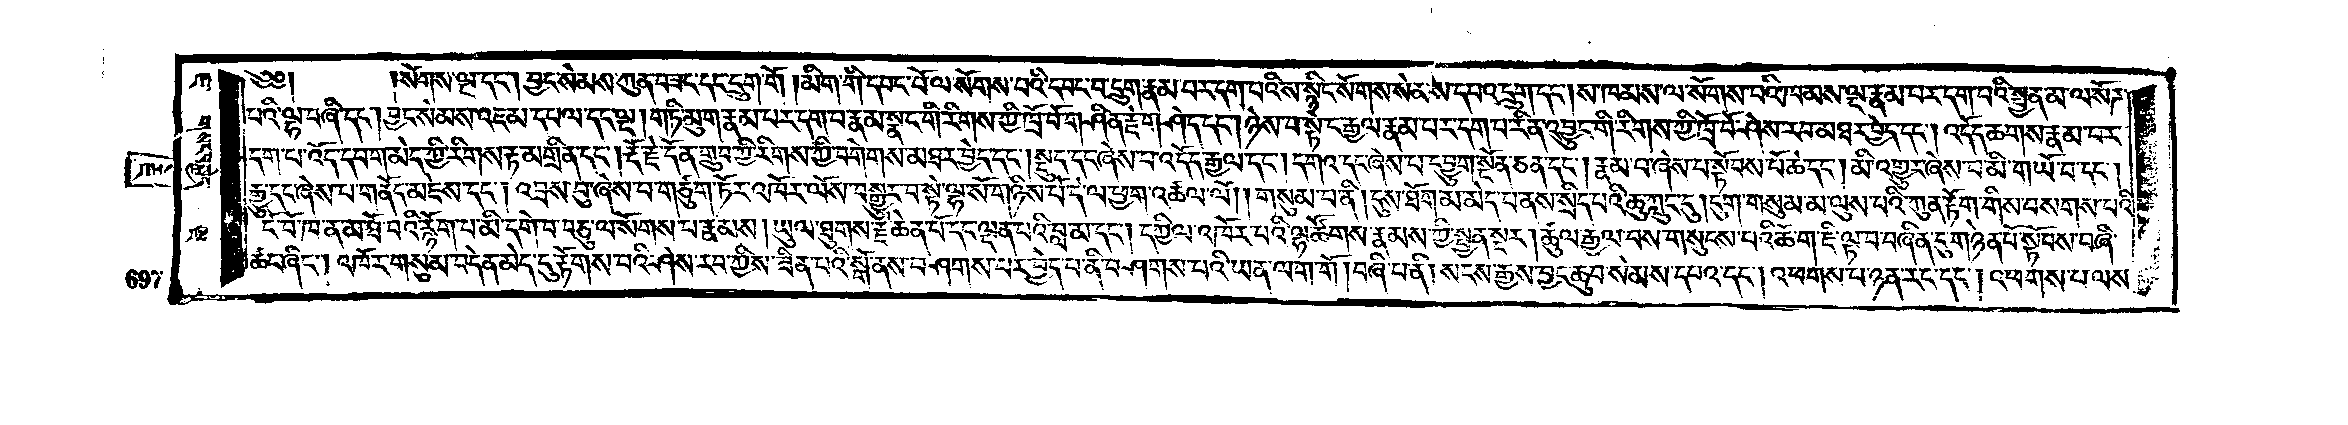༄༅། །སོགས་ལྔ་དང་། བྱང་སེམས་ཀུན་བཟང་དང་དྲུག་གོ །མིག་གི་དབང་པོ་ལ་སོགས་པའི་དབང་པ་དྲུག་རྣམ་པར་དག་པའི་ས་སྙིང་སོགས་སེམས་དཔའ་དྲུག་དང་། ས་ཁམས་ལ་སོགས་པའི་ཁམས་ལྔ་རྣམ་པར་དག་པའི་སྤྱན་མ་ལ་སོགས་
པའི་ལྷ་བཞི་དང་། བྱང་སེམས་འཇམ་དཔལ་དང་ལྔ། གཏི་མུག་རྣམ་པར་དག་པ་རྣམ་སྣང་གི་རིགས་ཀྱི་ཁྲོ་བོ་གཤིན་རྗེ་གཤེད་དང་། ཉེས་བ་སྟེ་ང་རྒྱལ་རྣམ་པར་དག་པ་རིན་འབྱུང་གི་རིགས་ཀྱི་ཁྲོ་བོ་ཤེས་རབ་མཐར་བྱེད་དང་། འདོད་ཆགས་རྣམ་པར་
དག་པ་འོད་དཔག་མེད་ཀྱི་རིགས་རྟ་མགྲིན་དང་། རྡོ་རྗེ་དོན་གྲུབ་ཀྱི་རིགས་ཀྱི་བགེགས་མཐར་བྱེད་དང་། སྡུད་དང་ཞེས་པ་འདོད་རྒྱལ་དང་། དགའ་དང་ཞེས་པ་དབྱུག་སྔོན་ཅན་དང་། རྣམ་པ་ཞེས་པ་སྟོབས་པོ་ཆེ་དང་། མི་འགྱུར་ཞེས་པ་མི་གཡོ་བ་དང་།
རྒྱུ་དང་ཞེས་པ་གནོད་མཛེས་དང་། འབྲས་བུ་ཞེས་པ་གཙུག་ཏོར་འཁོར་ལོས་བསྒྱུར་བ་སྟེ་ལྷ་སོ་གཉིས་པོ་དེ་ལ་ཕྱག་འཚལ་ལོ། །གསུམ་པ་ནི། དུས་ཐོག་མ་མེད་པ་ནས་སྲིད་པའི་ཆུ་ཀླུང་དུ། དུག་གསུམ་མ་ལུས་པའི་ཀུན་རྟོག་གིས་བསགས་པའི་
ངོ་བོ་ཁ་ན་མ་ཐོ་བའི་རྙོག་པ་མི་དགེ་བ་བཅུ་ལ་སོགས་པ་རྣམ། ཡུལ་ཐུགས་རྗེ་ཆེན་པོ་དང་ལྡན་པའི་བླ་མ་དང་། དཀྱིལ་འཁོར་པའི་ལྷ་ཚོགས་རྣམས་ཀྱི་སྤྱན་སྔར། ཚུལ་རྒྱལ་བས་གསུངས་བའི་ཆོ་ག་ཇི་ལྟ་བ་བཞིན་དུ་གཉེན་པོ་སྟོབས་བཞི་
ཚང་ཞིང་། འཁོར་གསུམ་བདེན་མེད་དུ་རྟོགས་པའི་ཤེས་རབ་ཀྱིས་ཟིན་པའི་སྒོ་ནས་བཤགས་པར་བྱེད་པ་ནི་བཤགས་པའི་ཡན་ལག་གོ །བཞི་པ་ནི། སངས་རྒྱས་བྱང་ཆུབ་སེམས་དཔའ་དང་། འཕགས་པ་ཉན་རང་དང་། འཕགས་པ་ལས་